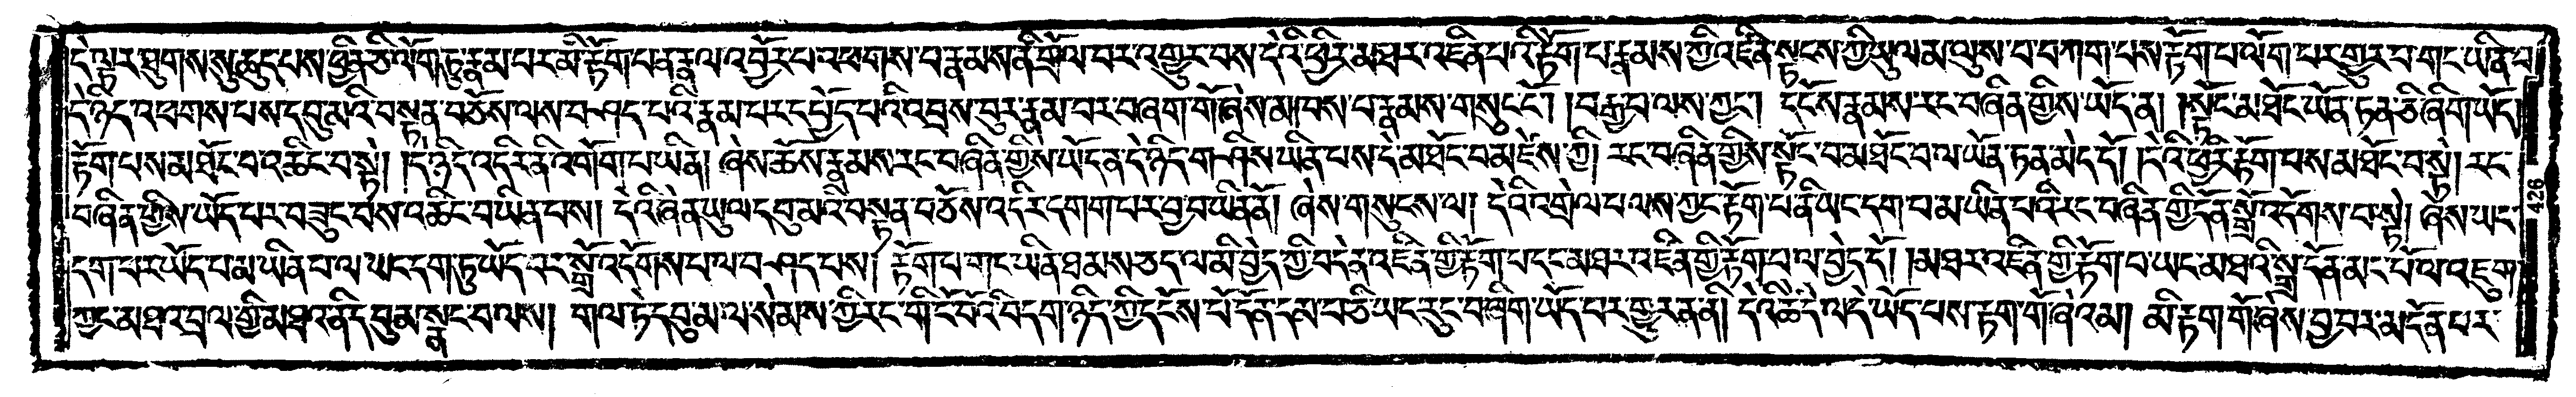དེ་ལྟར་ཐུགས་སུ་ཆུད་པས་ཕྱིན་ཅི་ལོག་ཏུ་རྣམ་པར་མི་རྟོག་པ་ན་རྣལ་འབྱོར་པ་འཕགས་པ་རྣམས་ནི་གྲོལ་བར་འགྱུར་བས་དེའི་ཕྱིར་མཐར་འཛིན་པའི་རྟོག་པ་རྣམས་ཀྱི་འཛིན་སྟངས་ཀྱི་ཡུལ་མ་ལུས་པ་བཀག་པས་རྟོག་པ་ལོག་པར་གྱུར་པ་གང་ཡིན་པ་
དེ་ཉིད་འཕགས་པས་དབུ་མའི་བསྟན་བཅོས་ལས་བཤད་པའི་རྣམ་པར་དཔྱོད་པའི་འབྲས་བུར་རྣམ་པར་བཞག་གོ་ཞེས་མཁས་པ་རྣམས་གསུང་ངོ། །བརྒྱ་པ་ལས་ཀྱང་། དངོས་རྣམས་རང་བཞིན་གྱིས་ཡོད་ན། །སྟོང་མཐོང་ཡོན་ཏན་ཅི་ཞིག་ཡོད།
རྟོག་པས་མཐོང་བ་འཆིང་བ་སྟེ། །དེ་ཉིད་འདིར་ནི་འགོག་པ་ཡིན། ཞེས་ཆོས་རྣམས་རང་བཞིན་གྱིས་ཡོད་ན་དེ་ཉིད་གཤིས་ཡིན་པས་དེ་མཐོང་བ་མཛེས་ཀྱི། རང་བཞིན་གྱིས་སྟོང་པ་མཐོང་བ་ལ་ཡོན་ཏན་མེད་དོ། །དེའི་ཕྱིར་རྟོག་པས་མཐོང་བ་སྟེ། རང་
བཞིན་གྱིས་ཡོད་པར་བཟུང་བས་འཆིང་བ་ཡིན་པས། དེའི་ཞེན་ཡུལ་དབུ་མའི་བསྟན་བཅོས་འདིར་དགག་པར་བྱ་བ་ཡིན་ནོ། ཞེས་གསུངས་ལ། དེའི་འགྲེལ་པ་ལས་ཀྱང་རྟོག་པ་ནི་ཡང་དག་པ་མ་ཡིན་པའི་རང་བཞིན་གྱི་དོན་སྒྲོ་འདོགས་པ་སྟེ། ཞེས་ཡང་
དག་པར་ཡོད་པ་མ་ཡིན་པ་ལ་ཡང་དག་ཏུ་ཡོད་པར་སྒྲོ་འདོགས་པ་ལ་བཤད་པས། རྟོག་པ་གང་ཡིན་ཐམས་ཅད་ལ་མི་བྱེད་ཀྱི་བདེན་འཛིན་གྱི་རྟོག་པ་དང་མཐར་འཛིན་གྱི་རྟོག་པ་ལ་བྱེད་དོ། །མཐར་འཛིན་གྱི་རྟོག་པ་ཡང་མཐའི་སྒྲ་དོན་མང་པོ་ལ་འཇུག་
ཀྱང་མཐའ་བྲལ་གྱི་མཐའ་ནི་དབུ་མ་སྣང་བ་ལས། གལ་ཏེ་དབུ་མ་ལ་སེམས་ཀྱི་རང་གི་ངོ་བོའི་བདག་ཉིད་ཀྱི་དངོས་པོ་དོན་དམ་པ་ཅི་ཡང་རུང་བ་ཞིག་ཡོད་པར་གྱུར་ན་ནི། དེའི་ཚེ་དེ་ལ་ཡོད་པས་རྟག་གོ་ཞེའམ། མི་རྟག་གོ་ཞེས་བྱ་བར་མངོན་པར་